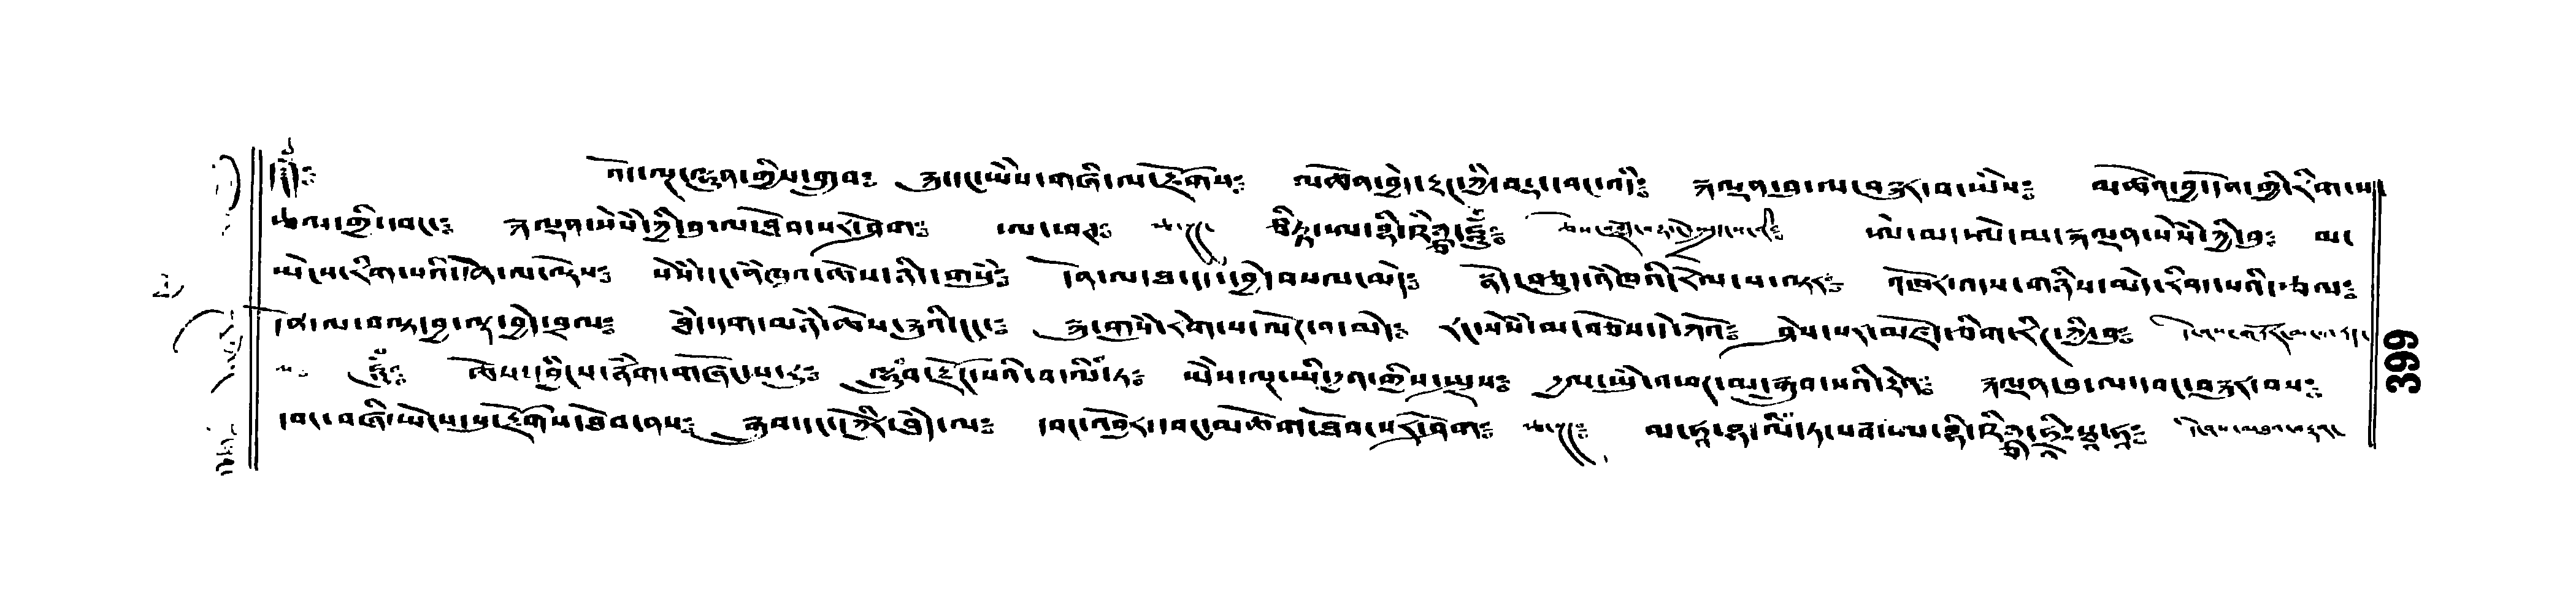འོད་ལྔ་ལྷུན་གྱིས་གྲུབ༔ སྐུ་དང་ཡེ་ཤེས་གཞི་ལ་རྫོགས༔ མཚོན་བྱེད་རྟགས་ཀྱི་བརྡ་དབང་འདི༔ སྐལ་ལྡན་བུ་ལ་བསྐུར་བ་ཡིས༔ མཚོན་བྱ་དོན་གྱི་རིག་པ་
རྩལ་གྱི་དབང༔ སྐལ་ལྡན་སེམས་ཀྱི་བུ་ལ་ཐོབ་པར་ཤོག༔ ཨ་ཕཊཿ རྩ་སྔགས༔ ཙིཏྟ་ཨ་བྷི་རིཉྩ་ཧཱུྃ༔ ཅེས་བརྗོད་བརྡ་ངོ་སྤྲད་པ་ནི༔ ཨེ་མ་ཨེ་མ་སྐལ་ལྡན་སེམས་ཀྱི་བུ༔ མ་
ཡེངས་རིག་པའི་དོན་ལ་ལྟོས༔ སེམས་དང་ནམ་མཁའ་ཆོས་ཉིད་གསུམ༔ དོན་ལ་ཐ་དད་དབྱེ་བསལ་མེད༔ སྣོད་བཅུད་ནམ་མཁའི་རོལ་བ་ལྟར༔ འཁོར་འདས་གཉིས་མེད་རིག་པའི་རྩལ༔ 
དོན་ལ་བལྟ་བྱ་ལྟ་བྱེད་བྲལ༔ ཐམས་ཅད་དག་མཉམ་ཆོས་སྐུའི་ངང༔ སྐུ་གསུམ་རིག་པ་ལོགས་ན་མེད༔ རང་སེམས་མ་བཅོས་དེ་ཀའོ༔ ཤེས་པར་མཛོད་ཅིག་རིགས་ཀྱི་བུ༔ དེ་ནས་གཏོར་མ་གཏད་
ལ༔ ཧཱུྃ༔ ཆོས་དབྱིངས་རྣམ་དག་གཞོང་པ་རུ༔ ལྷུན་གྲུབ་རྫོགས་པའི་བ་ལིཾ་ཏ༔ ཡེ་ཤེས་ལྔ་ཡི་རྒྱན་གྱིས་སྤྲས༔ རྒྱལ་ཡུམ་འཕགས་མ་སྒྲུབ་པའི་རྟེན༔ སྐལ་ལྡན་བུ་ལ་དབང་བསྐུར་བས༔ 
དབང་བཞི་ཡོངས་སུ་རྫོགས་ཐོབ་ནས༔ སྒྲུབ་དང་དཀྱིལ་འཁོར་ཐམས་ཅད་ལ༔ དབང་འབྱོར་དབང་མཆོག་ཐོབ་པར་ཤོག༔ རྩ་སྔགས༔ མ་ཧཱ་བྷ་ལིཾ་ཏ་སརྦ་ཨ་བྷི་རིཉྩ་ཧྲཱིཿསྭཱ་ཧཱ༔ དེ་ནས་མཐའ་བརྟེན་